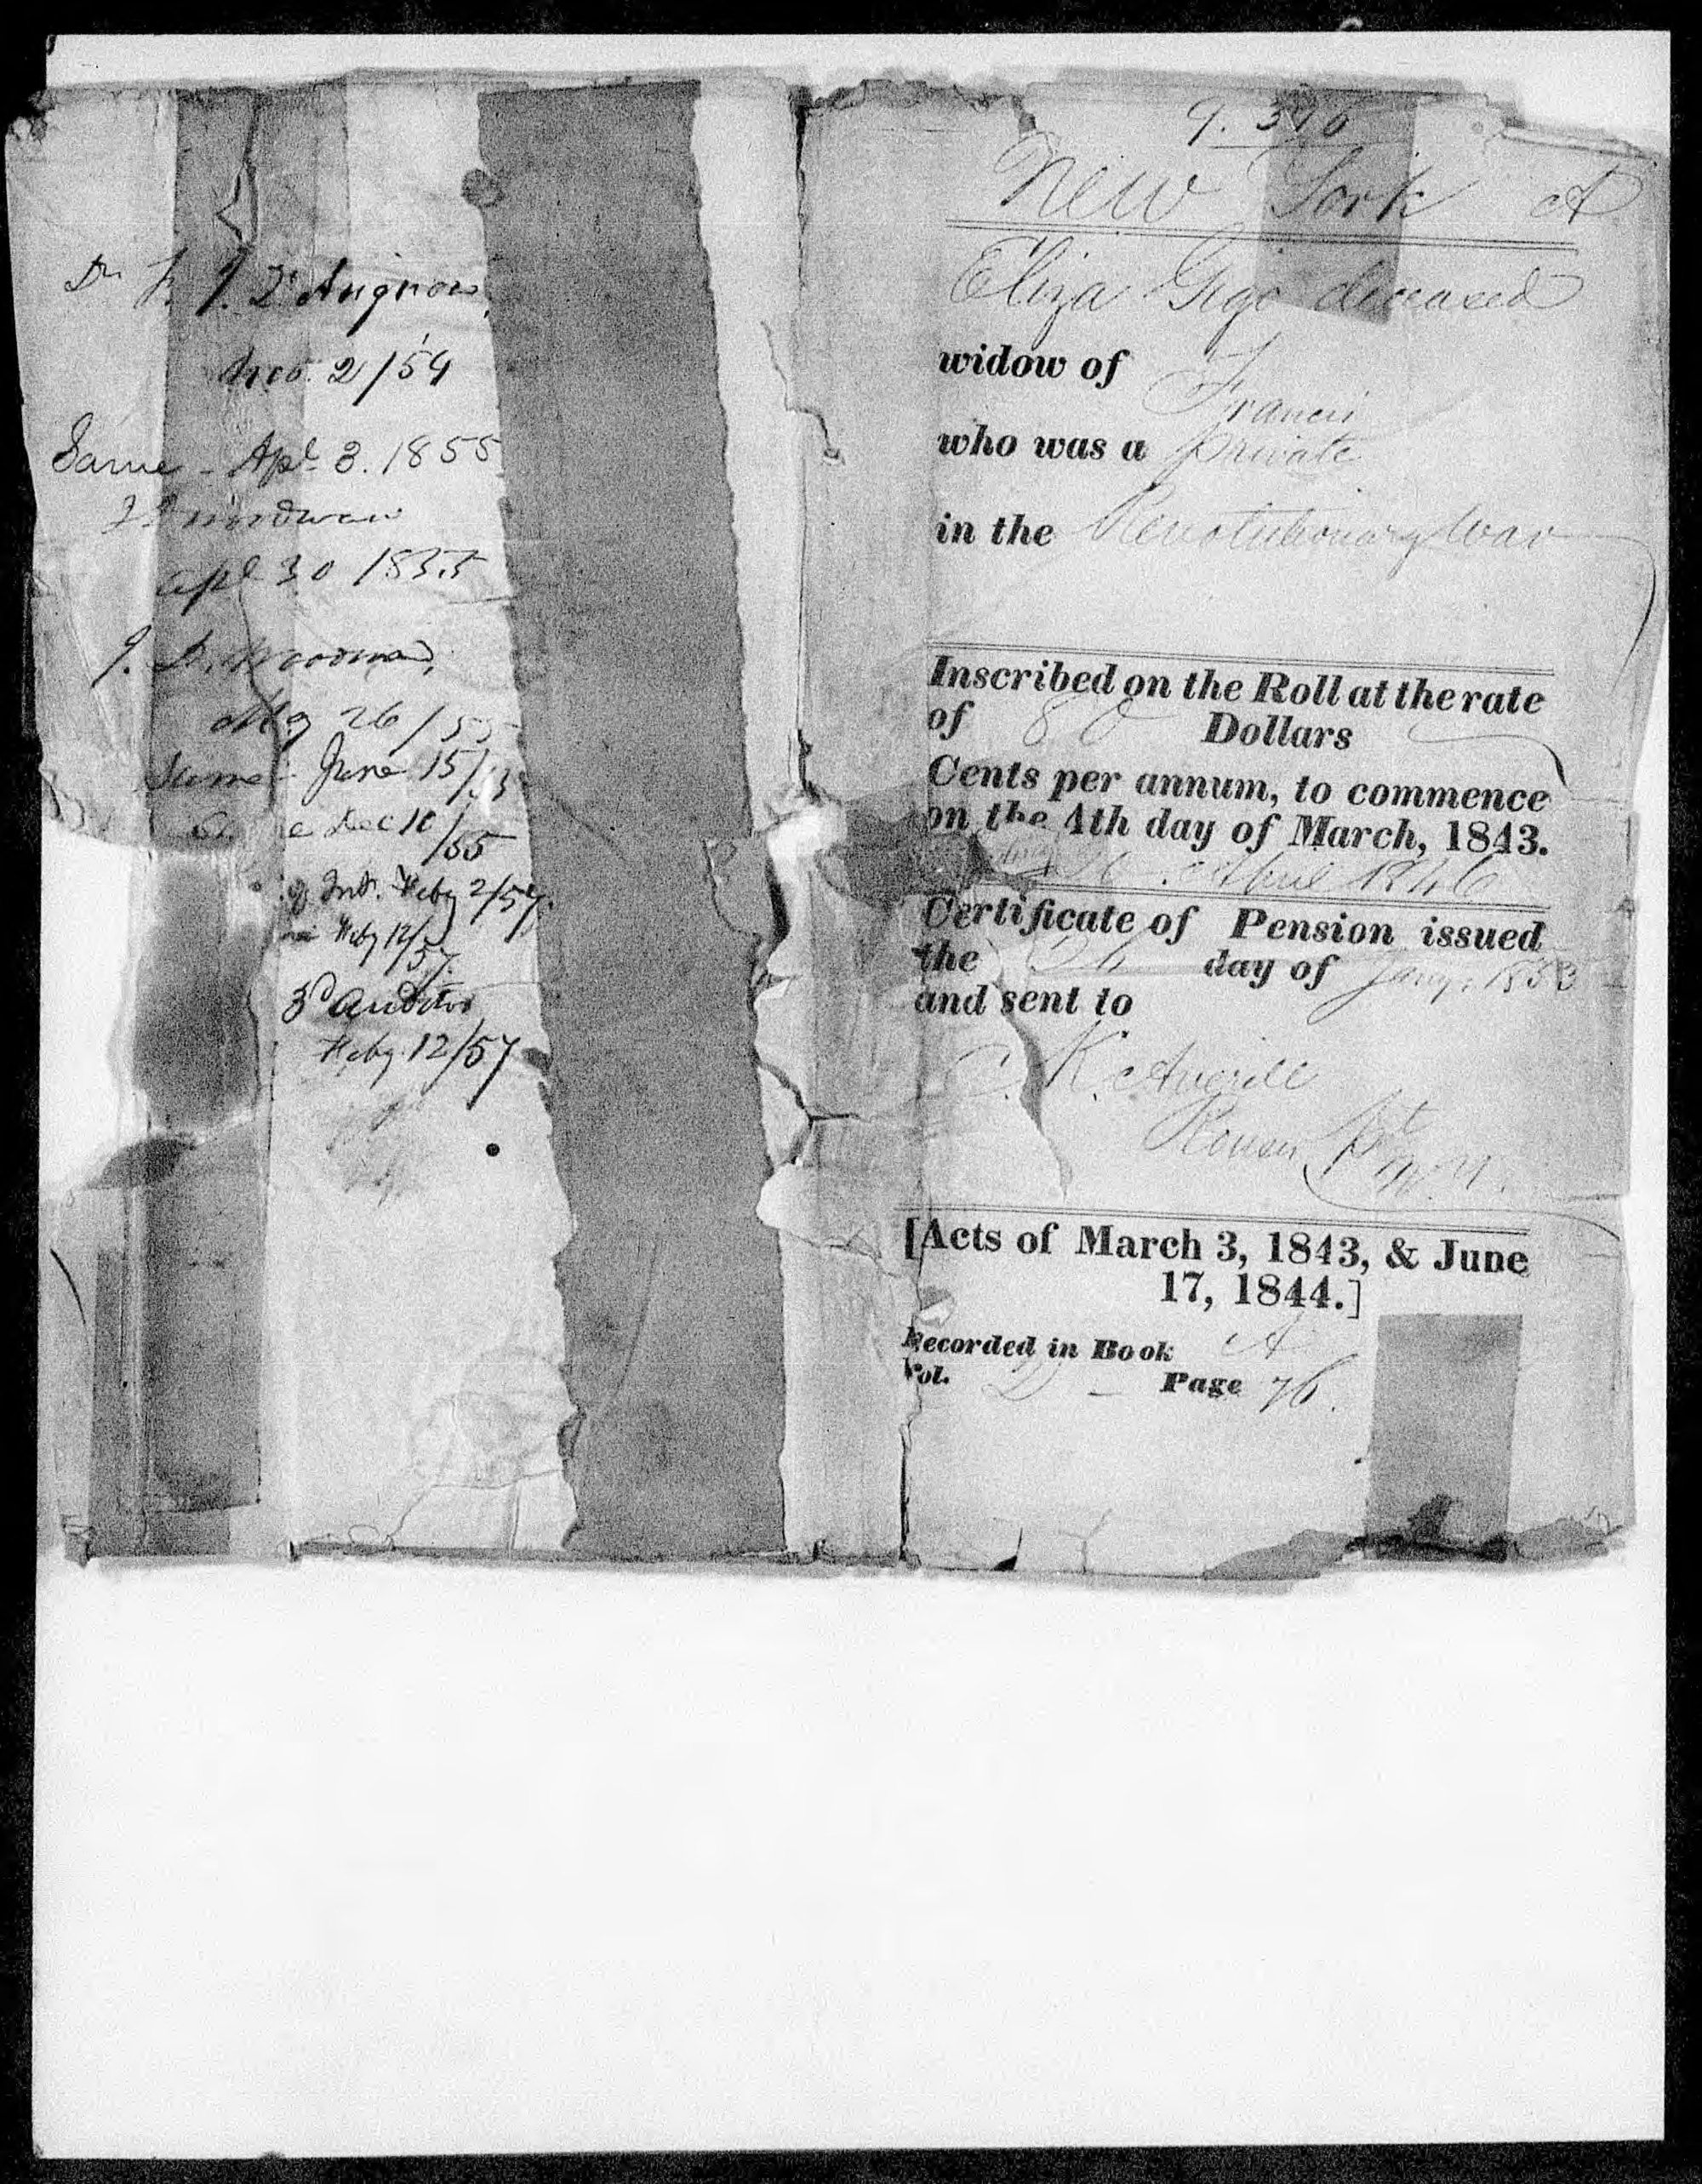(left side)
Dr. F.J. Zatorgious   died 2/'54
Same - Apr. 3. 1855
JD [illegible] Owen
Apl 30 1855
J.D. Woooma  
Mg 26/55
[illegible] June 15/ 55
Same Dec 19/55
Ind Feby 2/59
[illegible] 12/57
Zd Auditor
Feby 12/57

(right side)
9.570
New York  A
Eliza Gigo  deceased
widow of Francis
who was a private in the Revolutionary War
Inscribed on the Roll at the rate of 80 Dollars __Cents per annum, to commence on the rth day of March, 1843
died 26 April 1846
Certificate of Pension issued
the 26 day of Jany, 1833 and sent to
C. K. Averill
Rouses pt. N.Y.
[Acts of March 3, 1843, & June 17, 1844.
Recorded in Book A  Vol. 2 - Page 76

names: C K Averill, J D Woodward, Eliza Gigo, J D Woodward, Francis Gigo, F J D Avignon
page: 17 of 98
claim: widow's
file: W. 21182, Francis Gigo, Continental (Canadian)